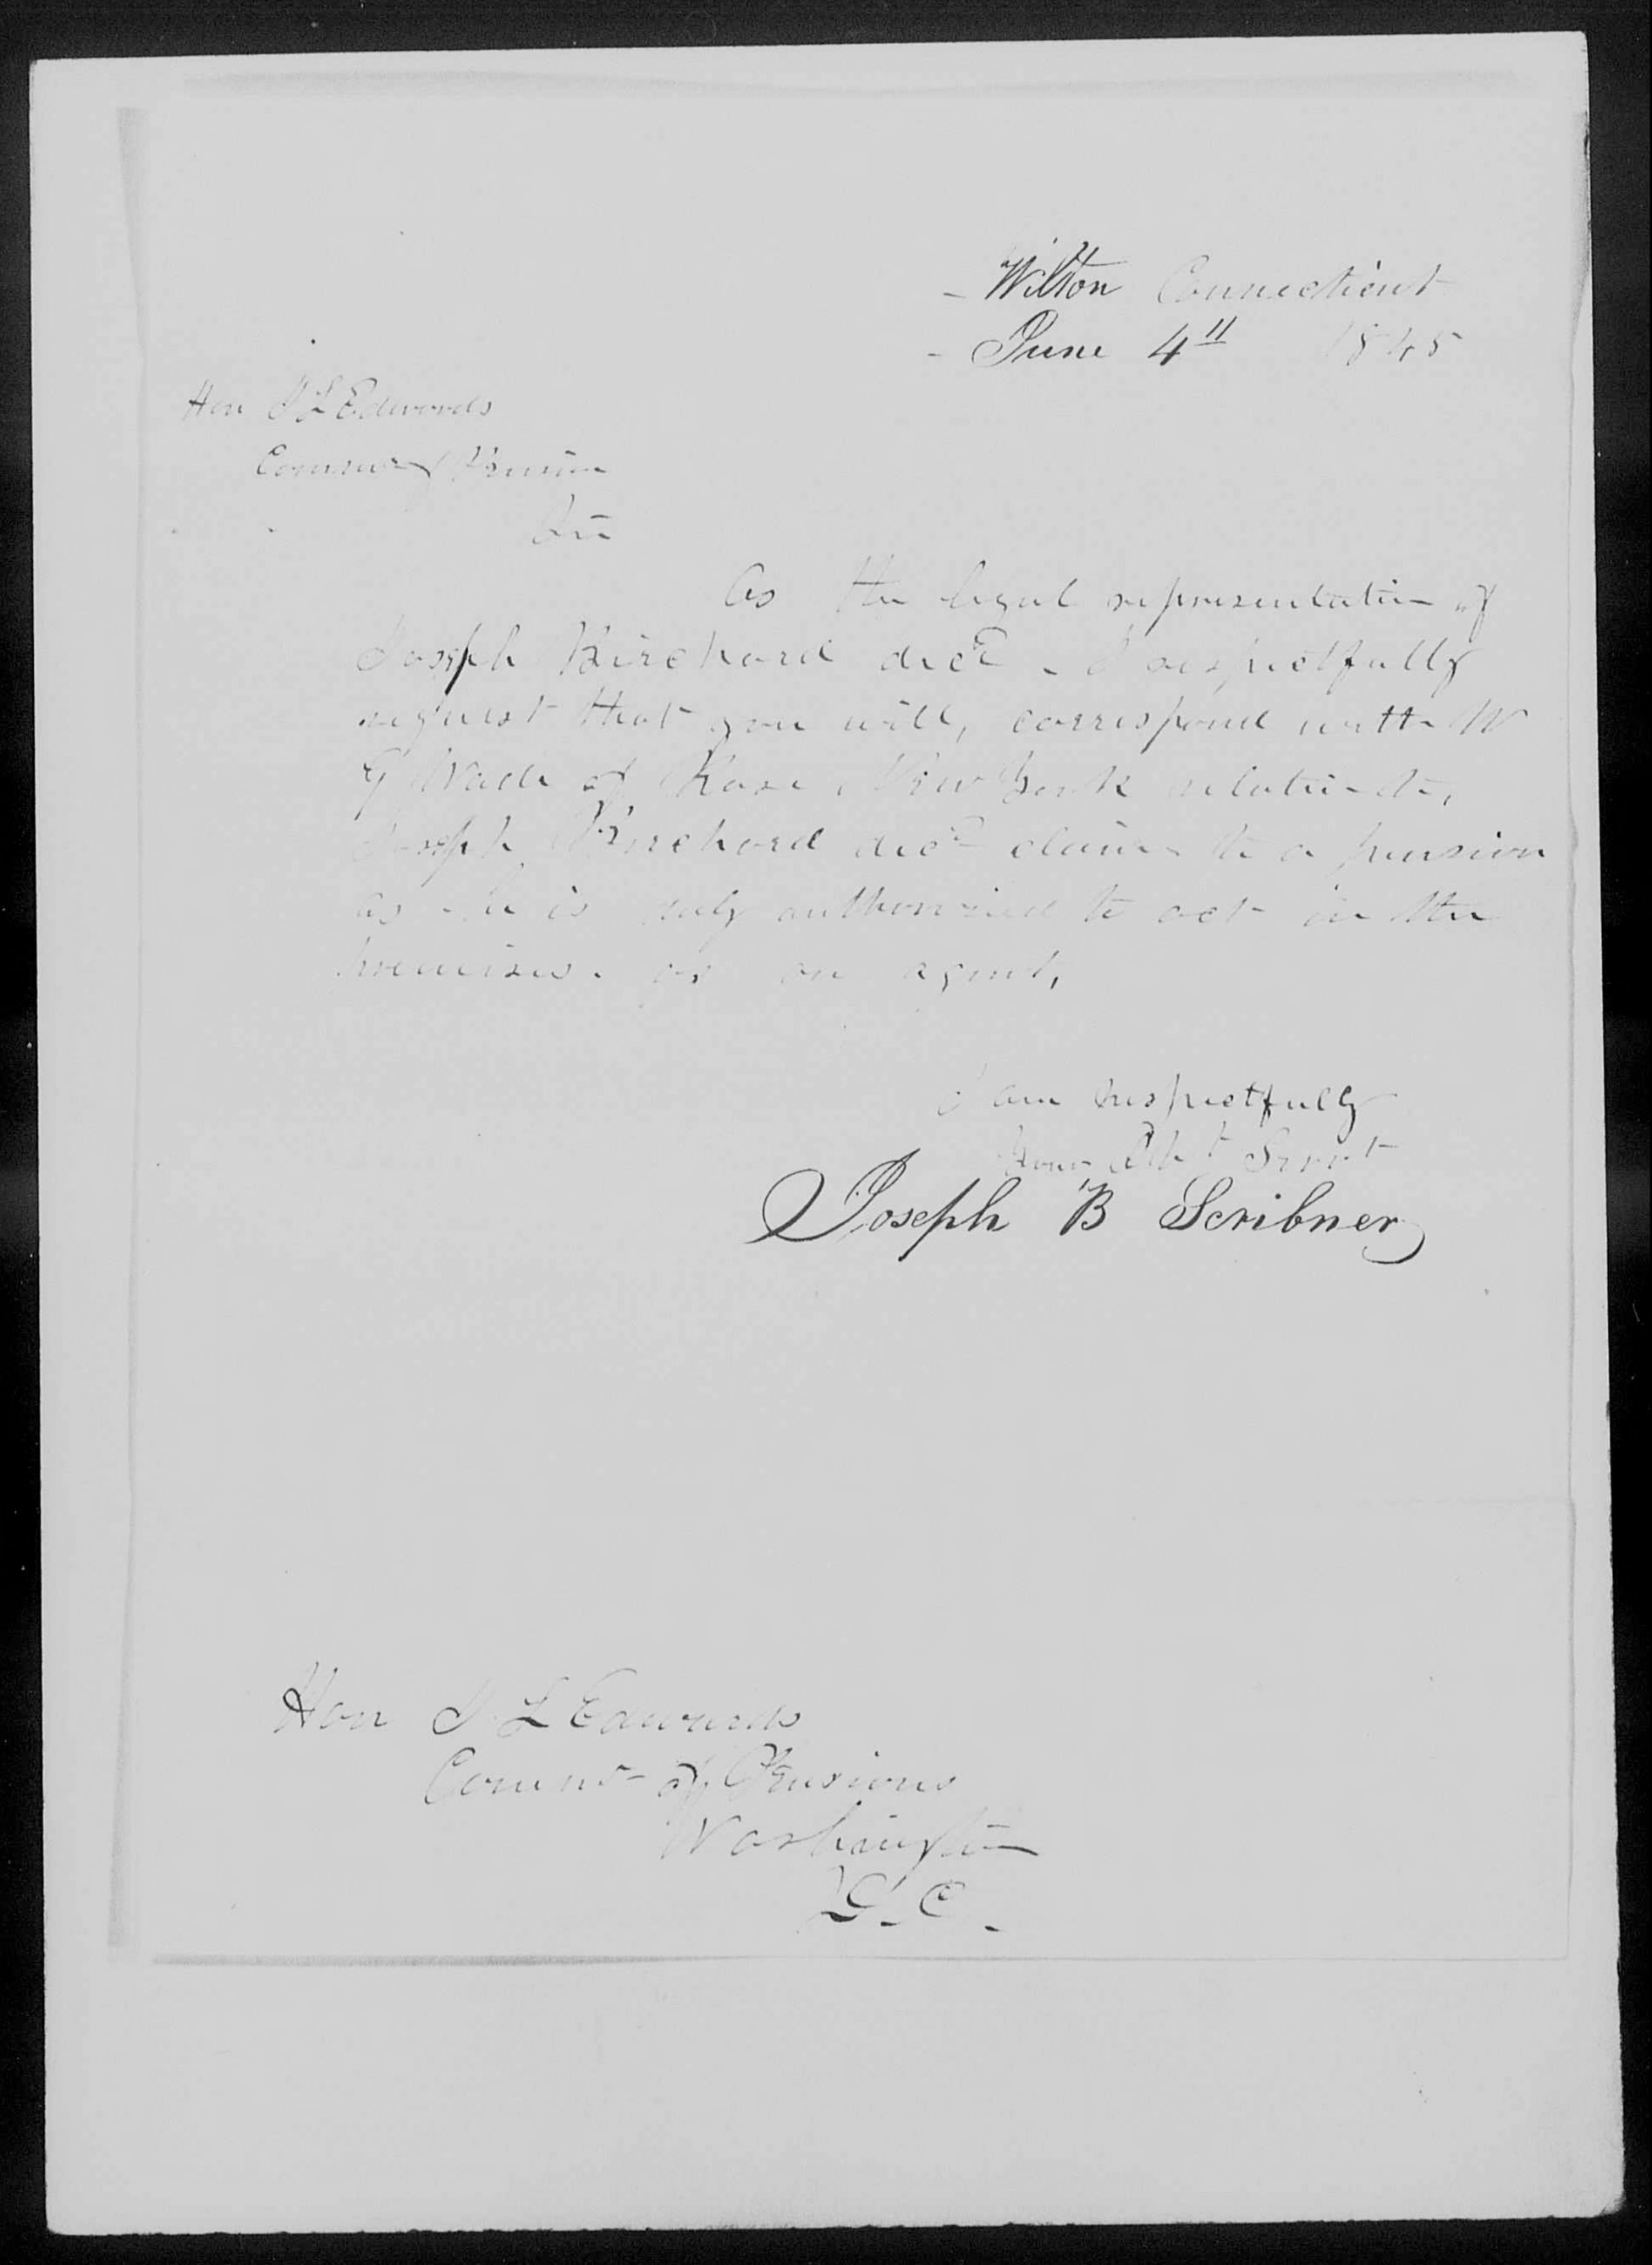Wilton Connecticut
June 4, 1845

Hon. J.L. Edwards
Commissioner of Pension

Sir.
As the legal representative of Joseph Birchard died, I respectfully request that you will correspond with W.G. Ward of Rose, New York, relation [illegible] Joseph Birchard died claim to a pension as he is duly authorized to act in the preview as an agent.  

I am Respectfully 
Your Obedient Servant
Joseph B. Scribner


Hon. J.L. Edwards 
Court of Pensions 
Washington D.C.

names: Joseph B Scribner, Joseph Birchard, J L Edwards, Joseph Birchard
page: 12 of 18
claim: rejected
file: R. 844, Joseph Birchard, Conn.